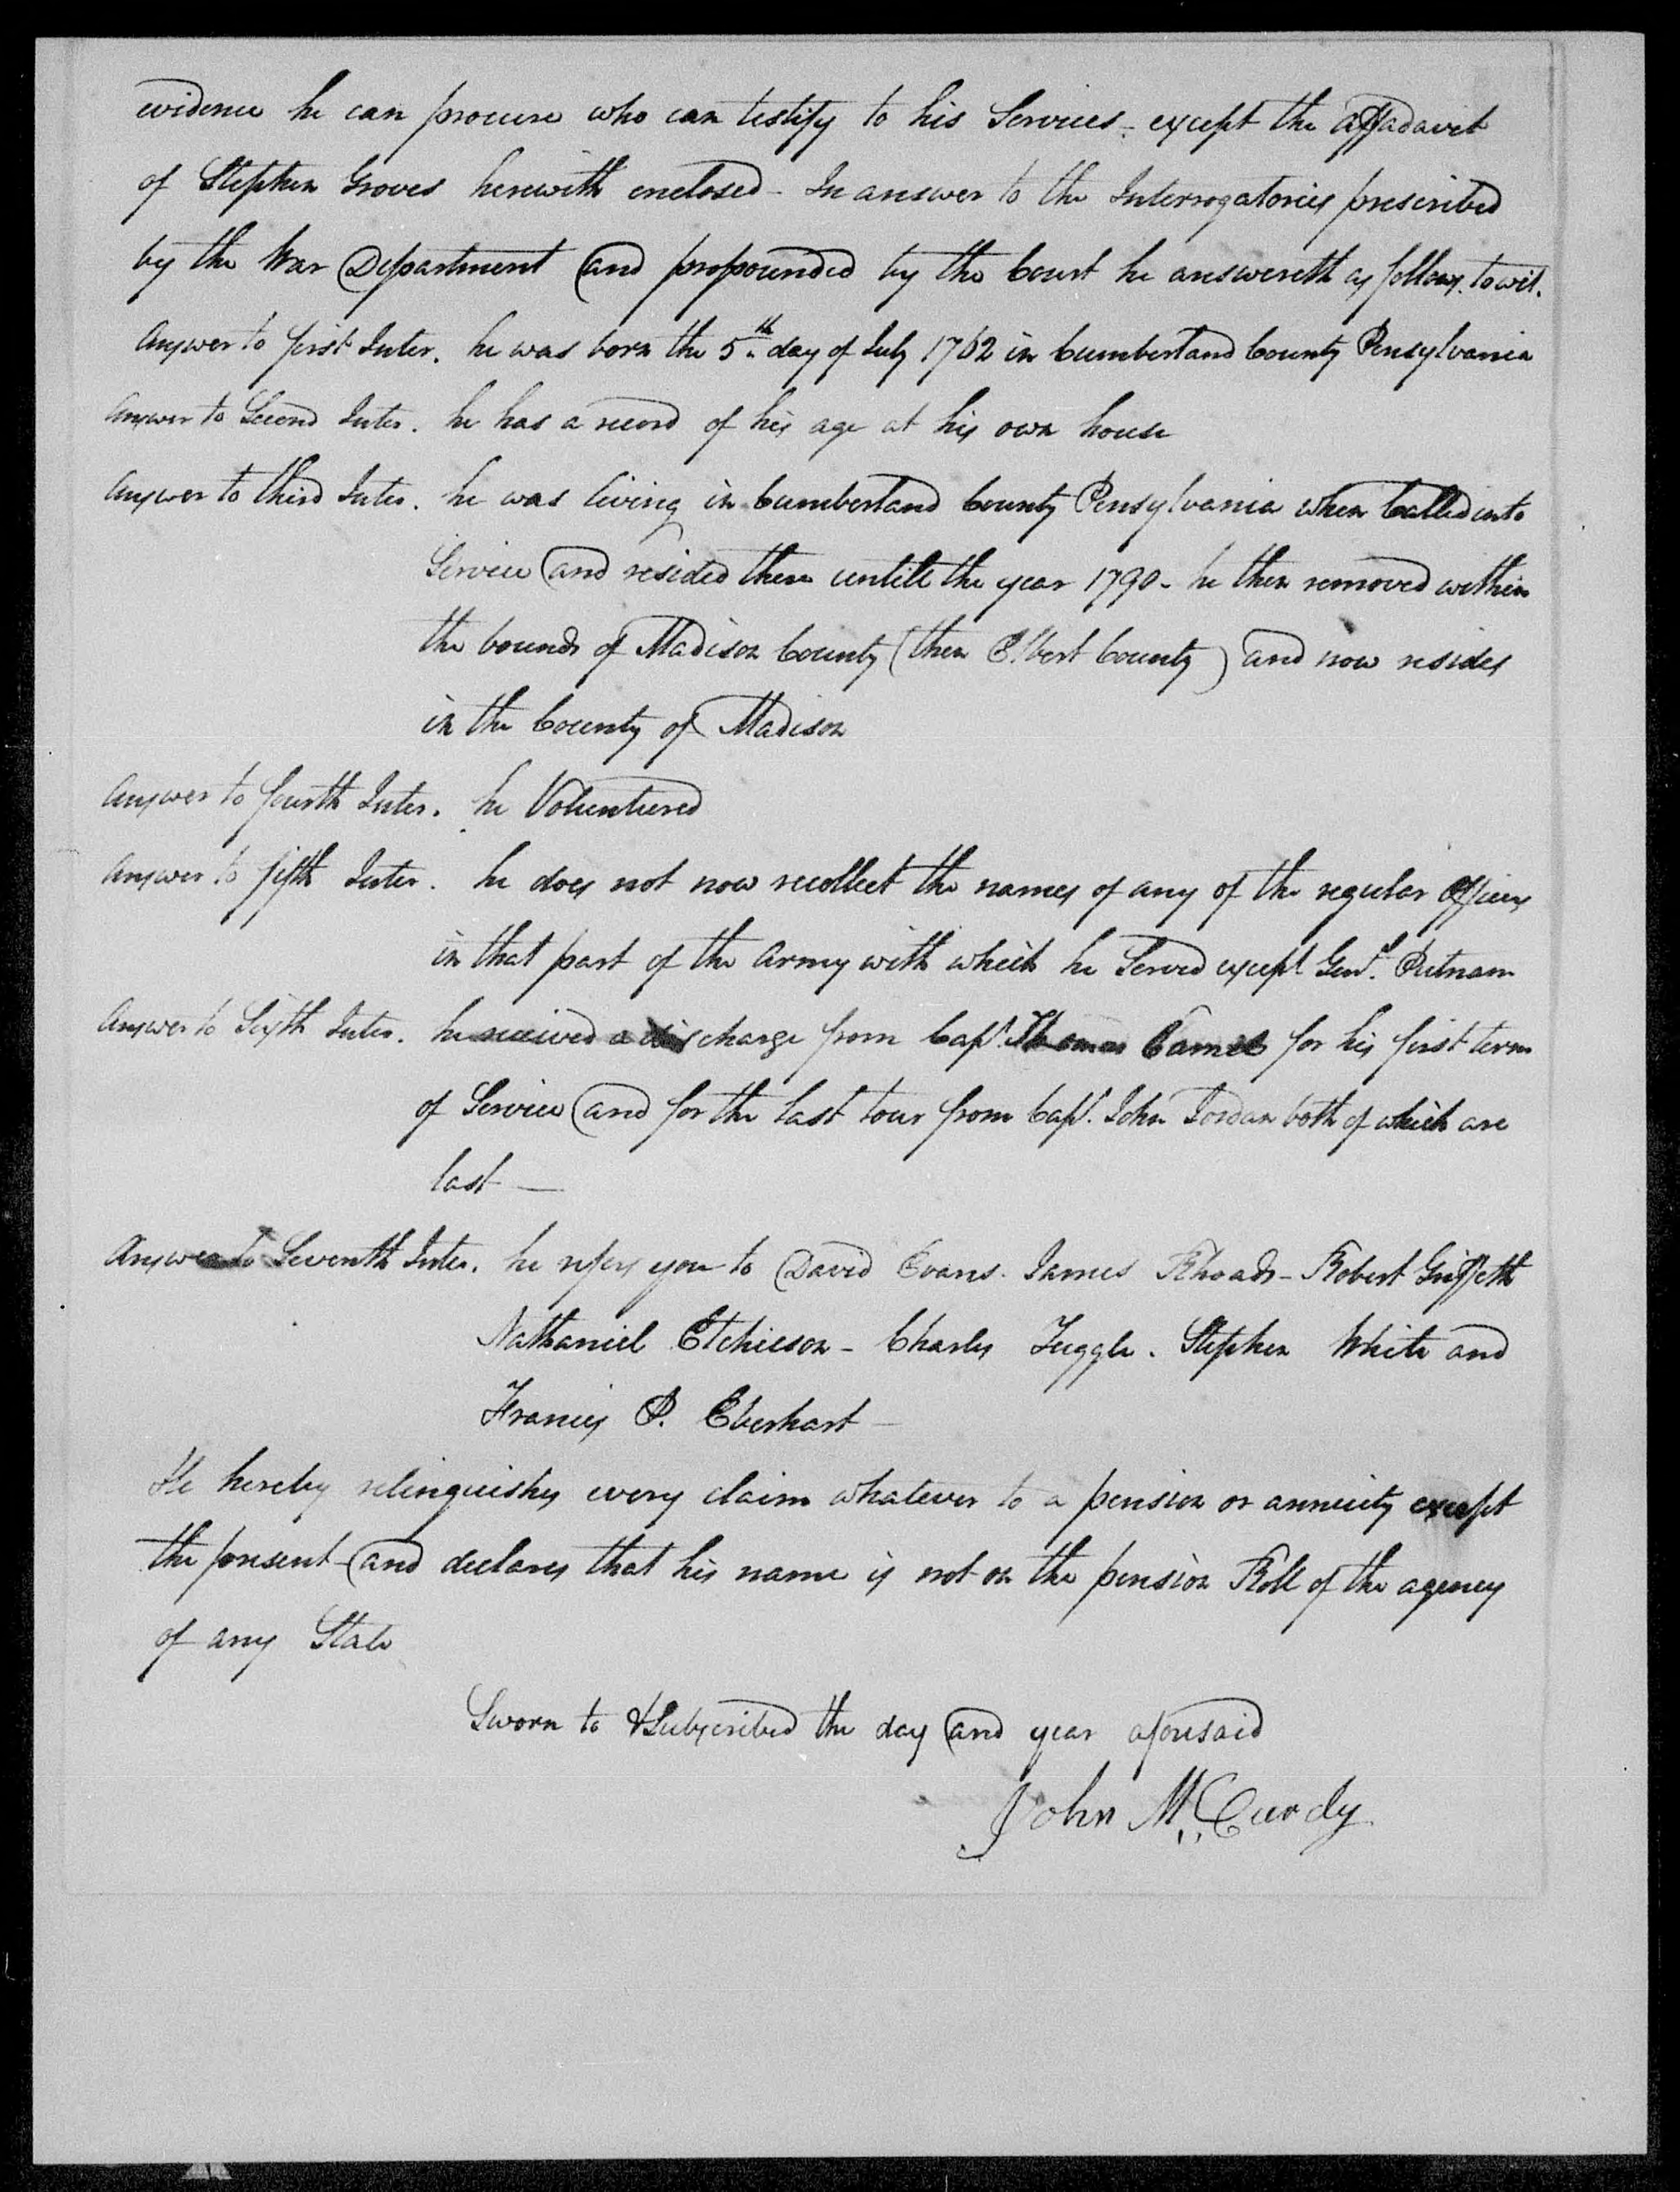evidence he can procure who can testify to his Services except the affidavit of Stephen Groves herewith enclosed in answer to the Interrogatories prescribed by the War Department and propounded by the Court he answereth as follows to wit.  

Answer to the first Inter. he was born the 5th day of July 1762 in Cumberland County Pennsylvania
Answer to Second Inter. he has a record of his age at his own house.
Answer to third Inter. he was living in Cumberland County Pennsylvania when called into Service and resided there until the year 1790. he then removed within the bounds of Madison County (then Colbert(?) County) and now resides in the County of Madison
Answer to fourth Inter.  he volunteered
Answer to fifth Inter. he does not now recollect the names of any of the regular officers in that part of the Army with which he served except Genl. Putnam
Answer to Sixth Inter. he received his discharge from Captain Thomas Camel for his first term of Service and for the last tour from Capt. John Jordan both of which are lost.
Answer to the Seventh Inter. he refers you to David Evans, James Rhoads, Robert Griffeth, Nathaniel Etchieson, Charles Tuggle, Stephen White, Francis Eberhart. 

He hereby relinquishes every claim whatever to a pension or annuity except the foresaid-and declares that his name is not on the pension Roll of the agency of any State.

Sworn to transcribed the day and year aforesaid
John McCurdy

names: John Mc Curdy; Robert Griffeth; Stephen Groves; Francis P Eberhart; Stephen White; Nathaniel Etchieson; [BLANK] Putnam; James Rhoads; Charles Tuggle; David Evans; Thomas Camel; John Jordan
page: 4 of 19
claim: survivor's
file: S. 31,855, for John Mc Curdy, Pennsylvania